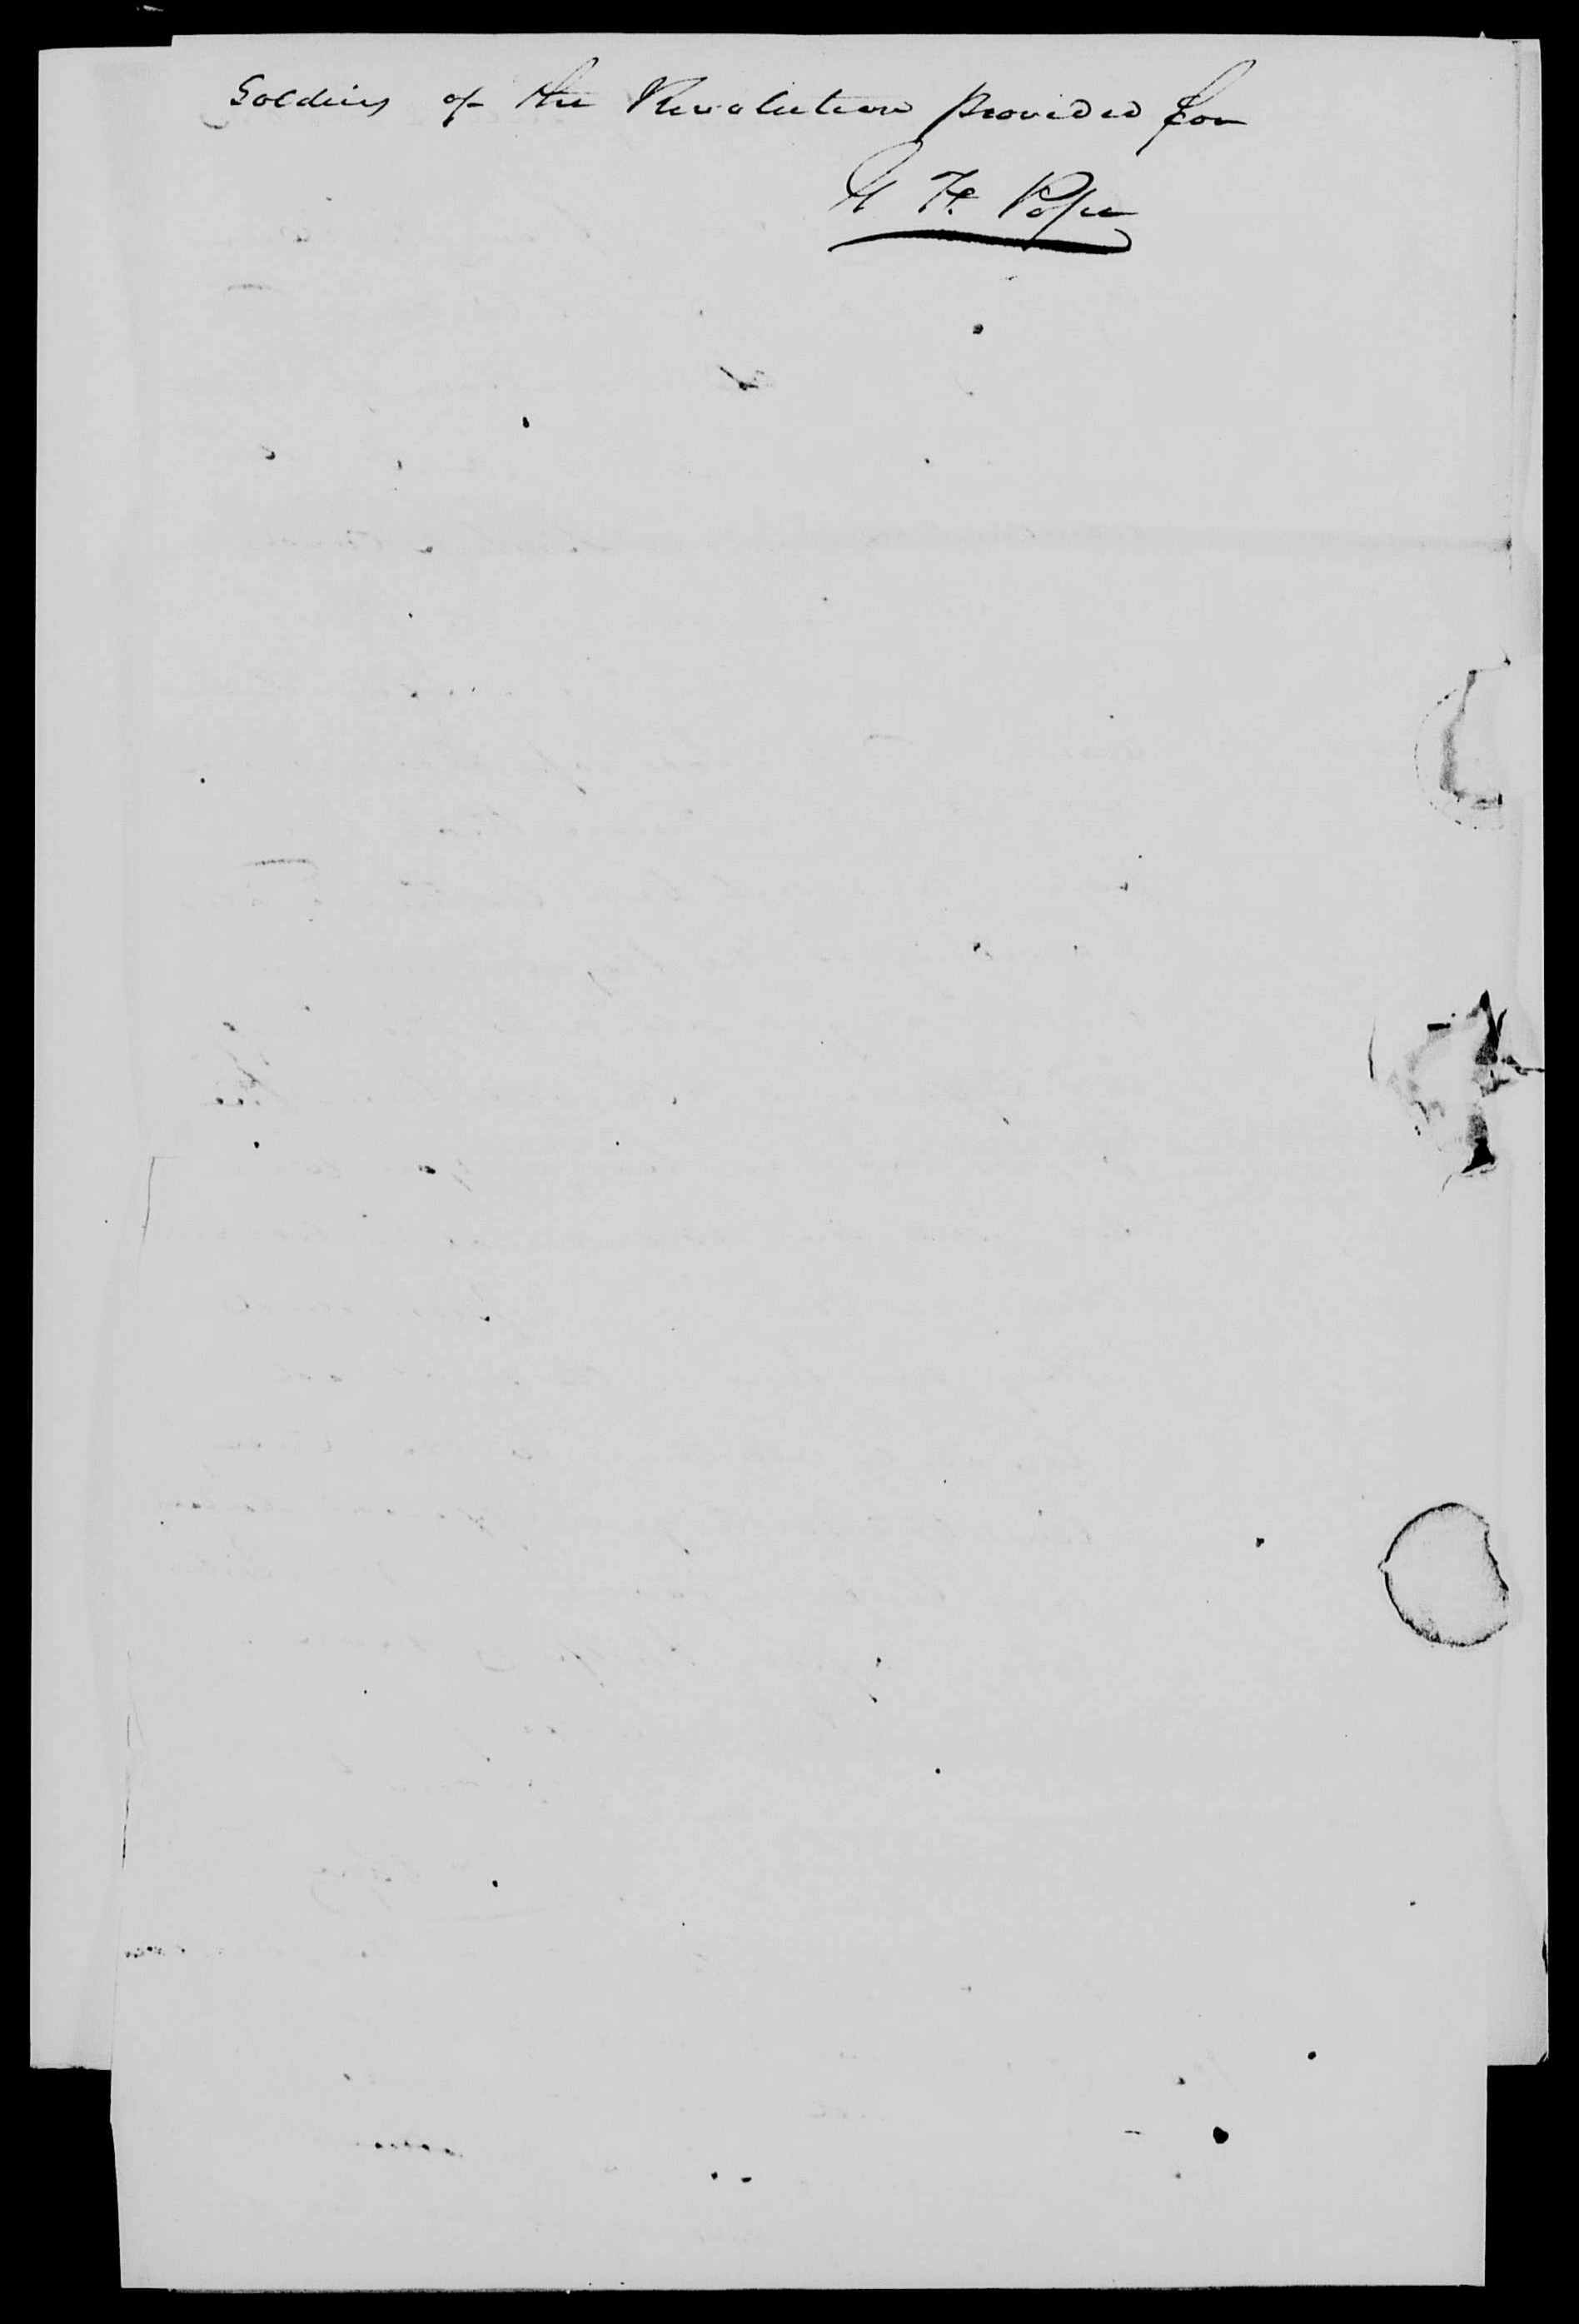soldiers of the Revolution provided for G. F. Pope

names: G F Pope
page: 26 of 26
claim: survivor's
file: S.1,166, Lawrence Bishop, Penn.